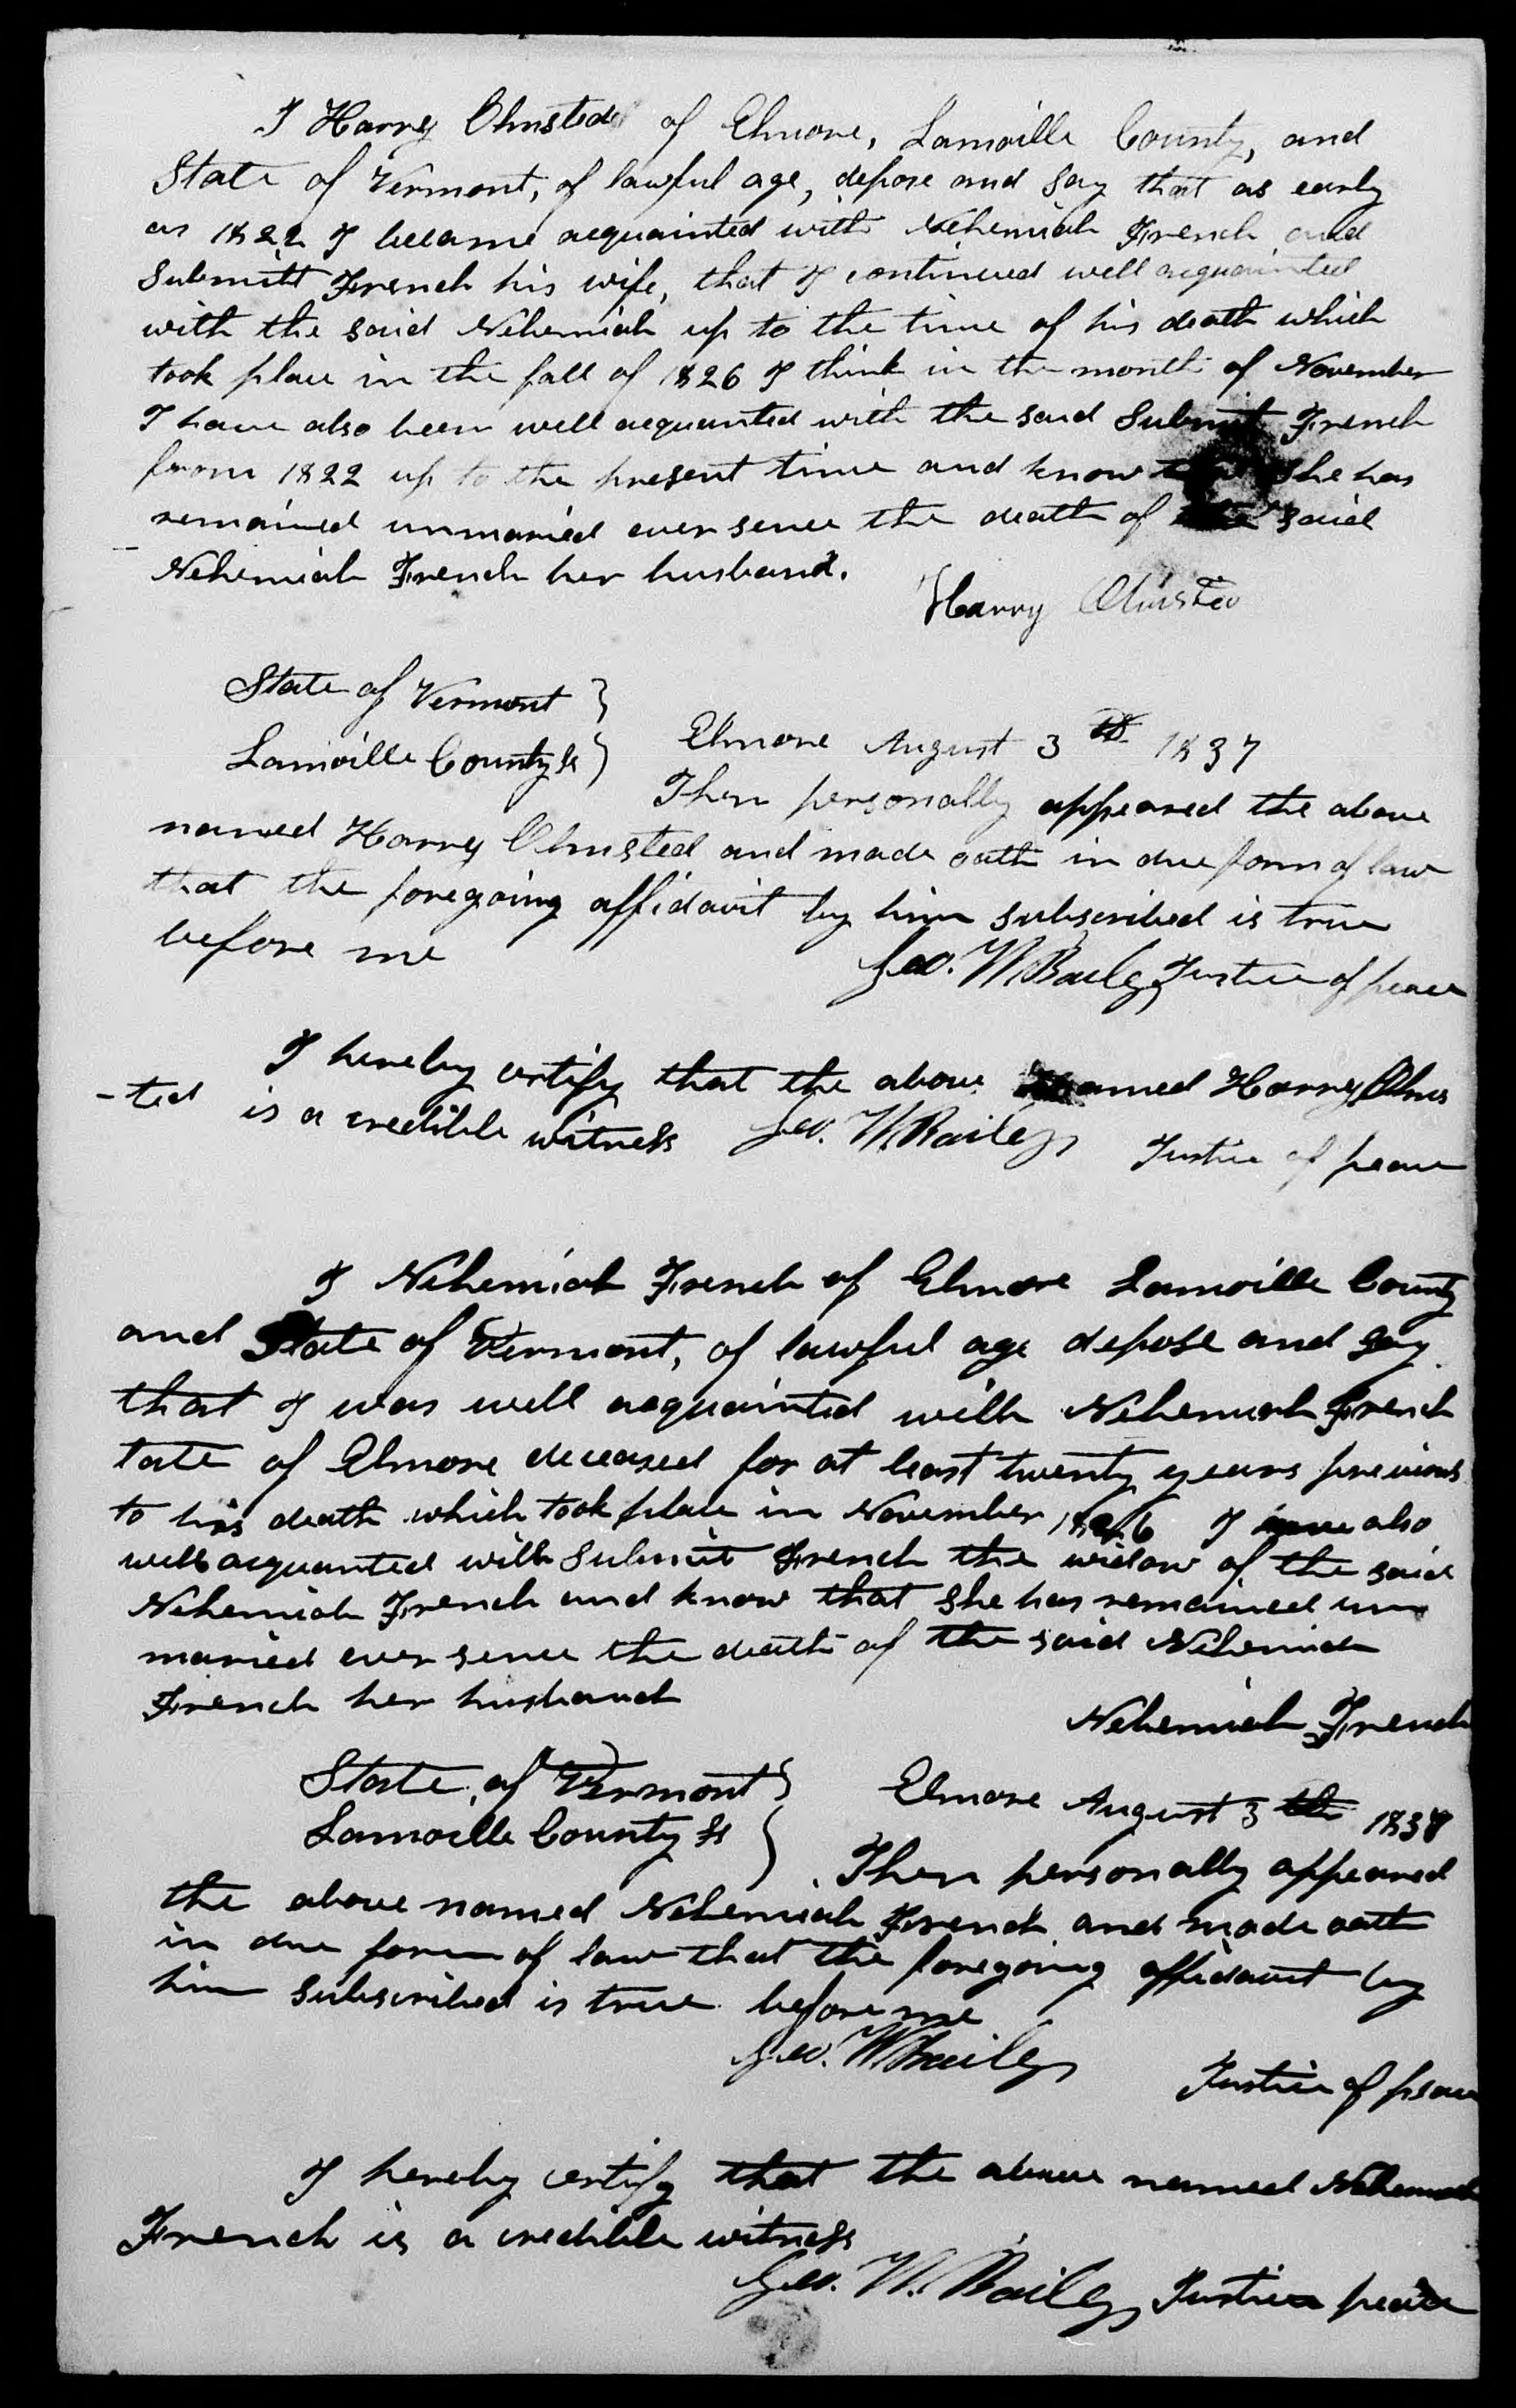I Harry Olmsted of Elmore Lamoille County and State of Vermont of lawful age, depose and say that as early as 1822 I became acquainted with Nehemiah French and Submitt French his wife, that I continued well acquainted with the said Nehemiah up to the time of his death which took place in the fall of 1826 I think in the month of November  I have also been well acquainted with the said Submit French from 1822 up to the present time and know that she has remained unmarried ever since the death of the said Nehemiah French her husband.
Harry Olmsted 

State of Vermont    )  Elmore  August 3rd 1837
Lamoille County fs )

Then personally appeared the above named Harry Olmsted and made oath in due form of law that the foregoing affidavit by him subscribed is true before me
Geo. W. Bailey, Justice of peace

I hereby certify that the above named Harry Olmsted is a credible witnefs
Geo. W. Bailey  Justice of peace

I Nehemiah French of Elmore Lamoille County and State of Vermont, of lawful age depose and say that I was well acquainted with Nehemiah French late of Elmore deceased for at least twenty years previous to his death which took place in November 1826 I was also well acquainted with Submit French the widow of the said Nehemiah French and know that she has remained unmarried ever since the death of the said Nehemiah French her husband
Nehemiah French

State of Vermont     )  Elmore
Lamoille County ss  )  August 3th  1837

Then personally appeared the above named Nehemiah French and made oath in due form of law that the foregoing affidavit by him subscribed is true before me
Geo. W. Bailey   Justice of peace

I hereby certify that the above named Nehemiah French is a credible witnefs
Geo. W. Bailey   Justice peace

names: Submit French, Nehemiah French, Geo W Bailey, Nehemiah, Harry Olmsted, Nehemiah French, Geo W Bailey, Harry Olmsted, Nehemiah French, Nehemiah French, Nehemiah French, Geo W Bailey, Nehemiah French, Submitt French, Submit French, Nehemiah French, Nehemiah French, Harry Olmsted, Geo W Bailey, Harry Olmsted, Nehemiah French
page: 6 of 18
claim: widow's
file: W. 21,147, Nehemiah French, Mass. Or N.H.